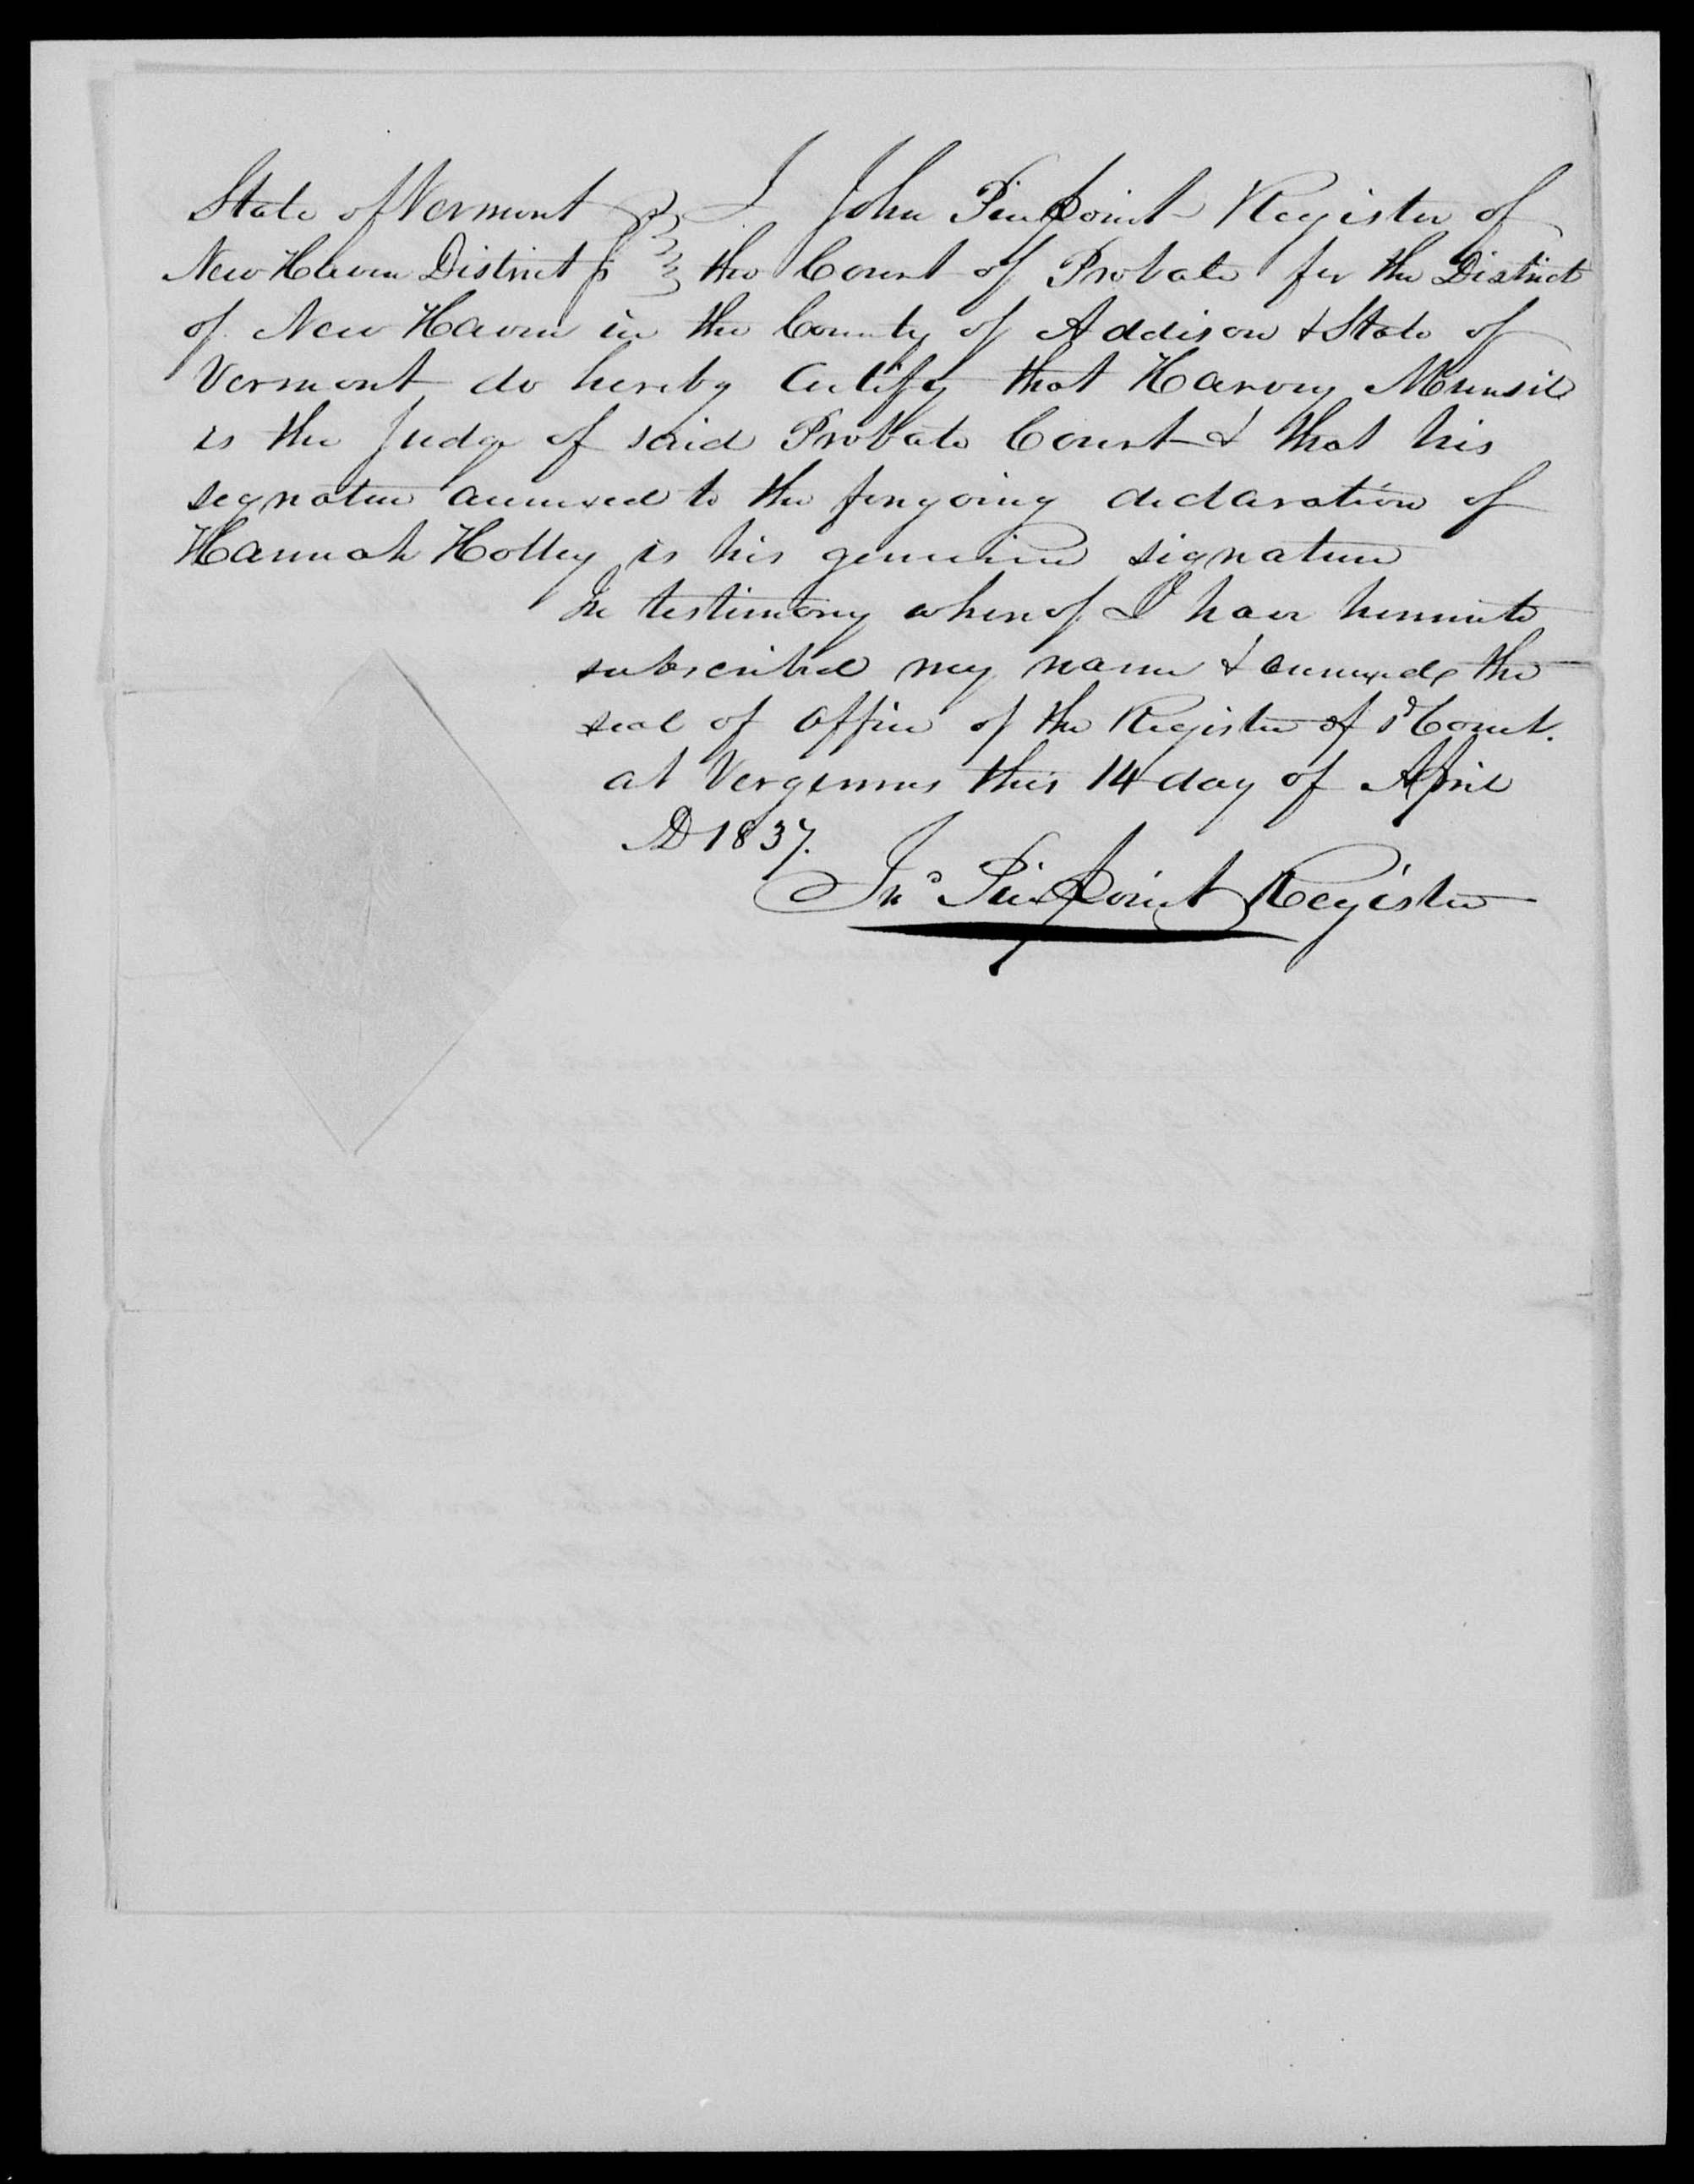State of Vermont New Haven District ss⎬ I John Pierpoint Register of the Court of Probate for the District of New Haven in the County of Addison & State of Vermont, do hereby certify that Harvey Munsil is the Judge of said Probate Court & that his signature annexed to the foregoing declaration of Hannah Holley is his genuine signature
 In testimony whereof I have hereunto subscribed my name & annexed the seal of Office of the Register of Court. at Vergennes this 14 day of April 1837. Jn Pierpoint Register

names: Jno Pierpoint, Hannah Holley, John Pierpoint, Harvey Munsill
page: 33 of 62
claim: widow's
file: W. 21391, Robert Holley, Conn.